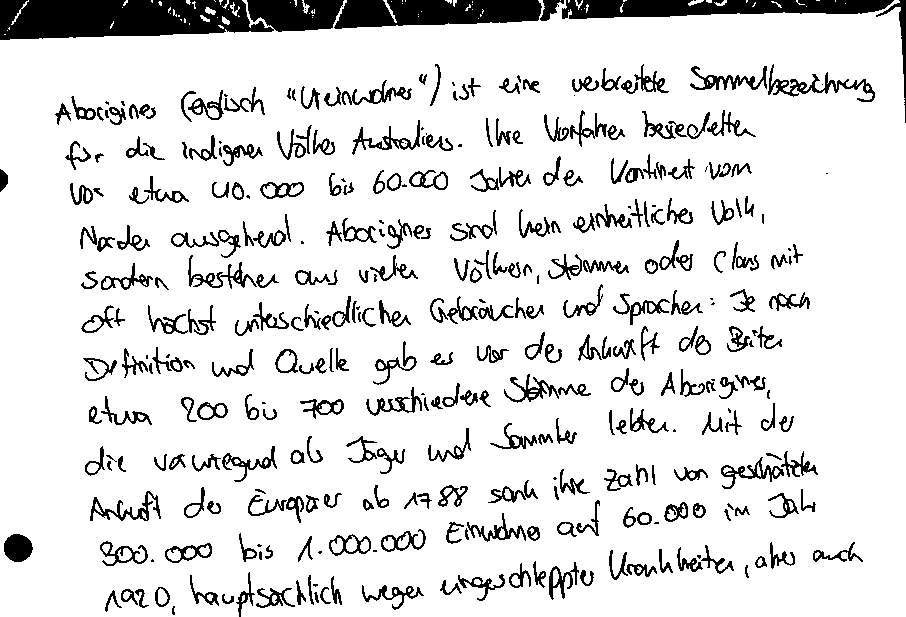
Aborigines (englisch "Ureinwohner") ist eine verbreitete Sammelbezeichnung
für die indigenen Völker Australiens. Ihre Vorfahren besiedelten
vor etwa 40.000 bis 60.000 Jahren den Kontinent vom
Norden ausgehend. Aborigines sind kein einheitliches Volk,
sondern bestehen aus vielen Völkern, Stämmen oder Clans mit
oft höchst unterschiedlichen Gebräuchen und Sprachen: Je nach
Definition und Quelle gab es vor der Ankunft der Briten
etwa 200 bis 700 verschiedene Stämme der Aborigines,
die vorwiegend als Jäger und Sammler lebten. Mit der
Ankunft der Europäer ab 1788 sank ihre Zahl von geschätzten
300.000 bis 1.000.000 Einwohnern auf 60.000 im Jahr
1920, hauptsächlich wegen eingeschleppter Krankheiten, aber auch
